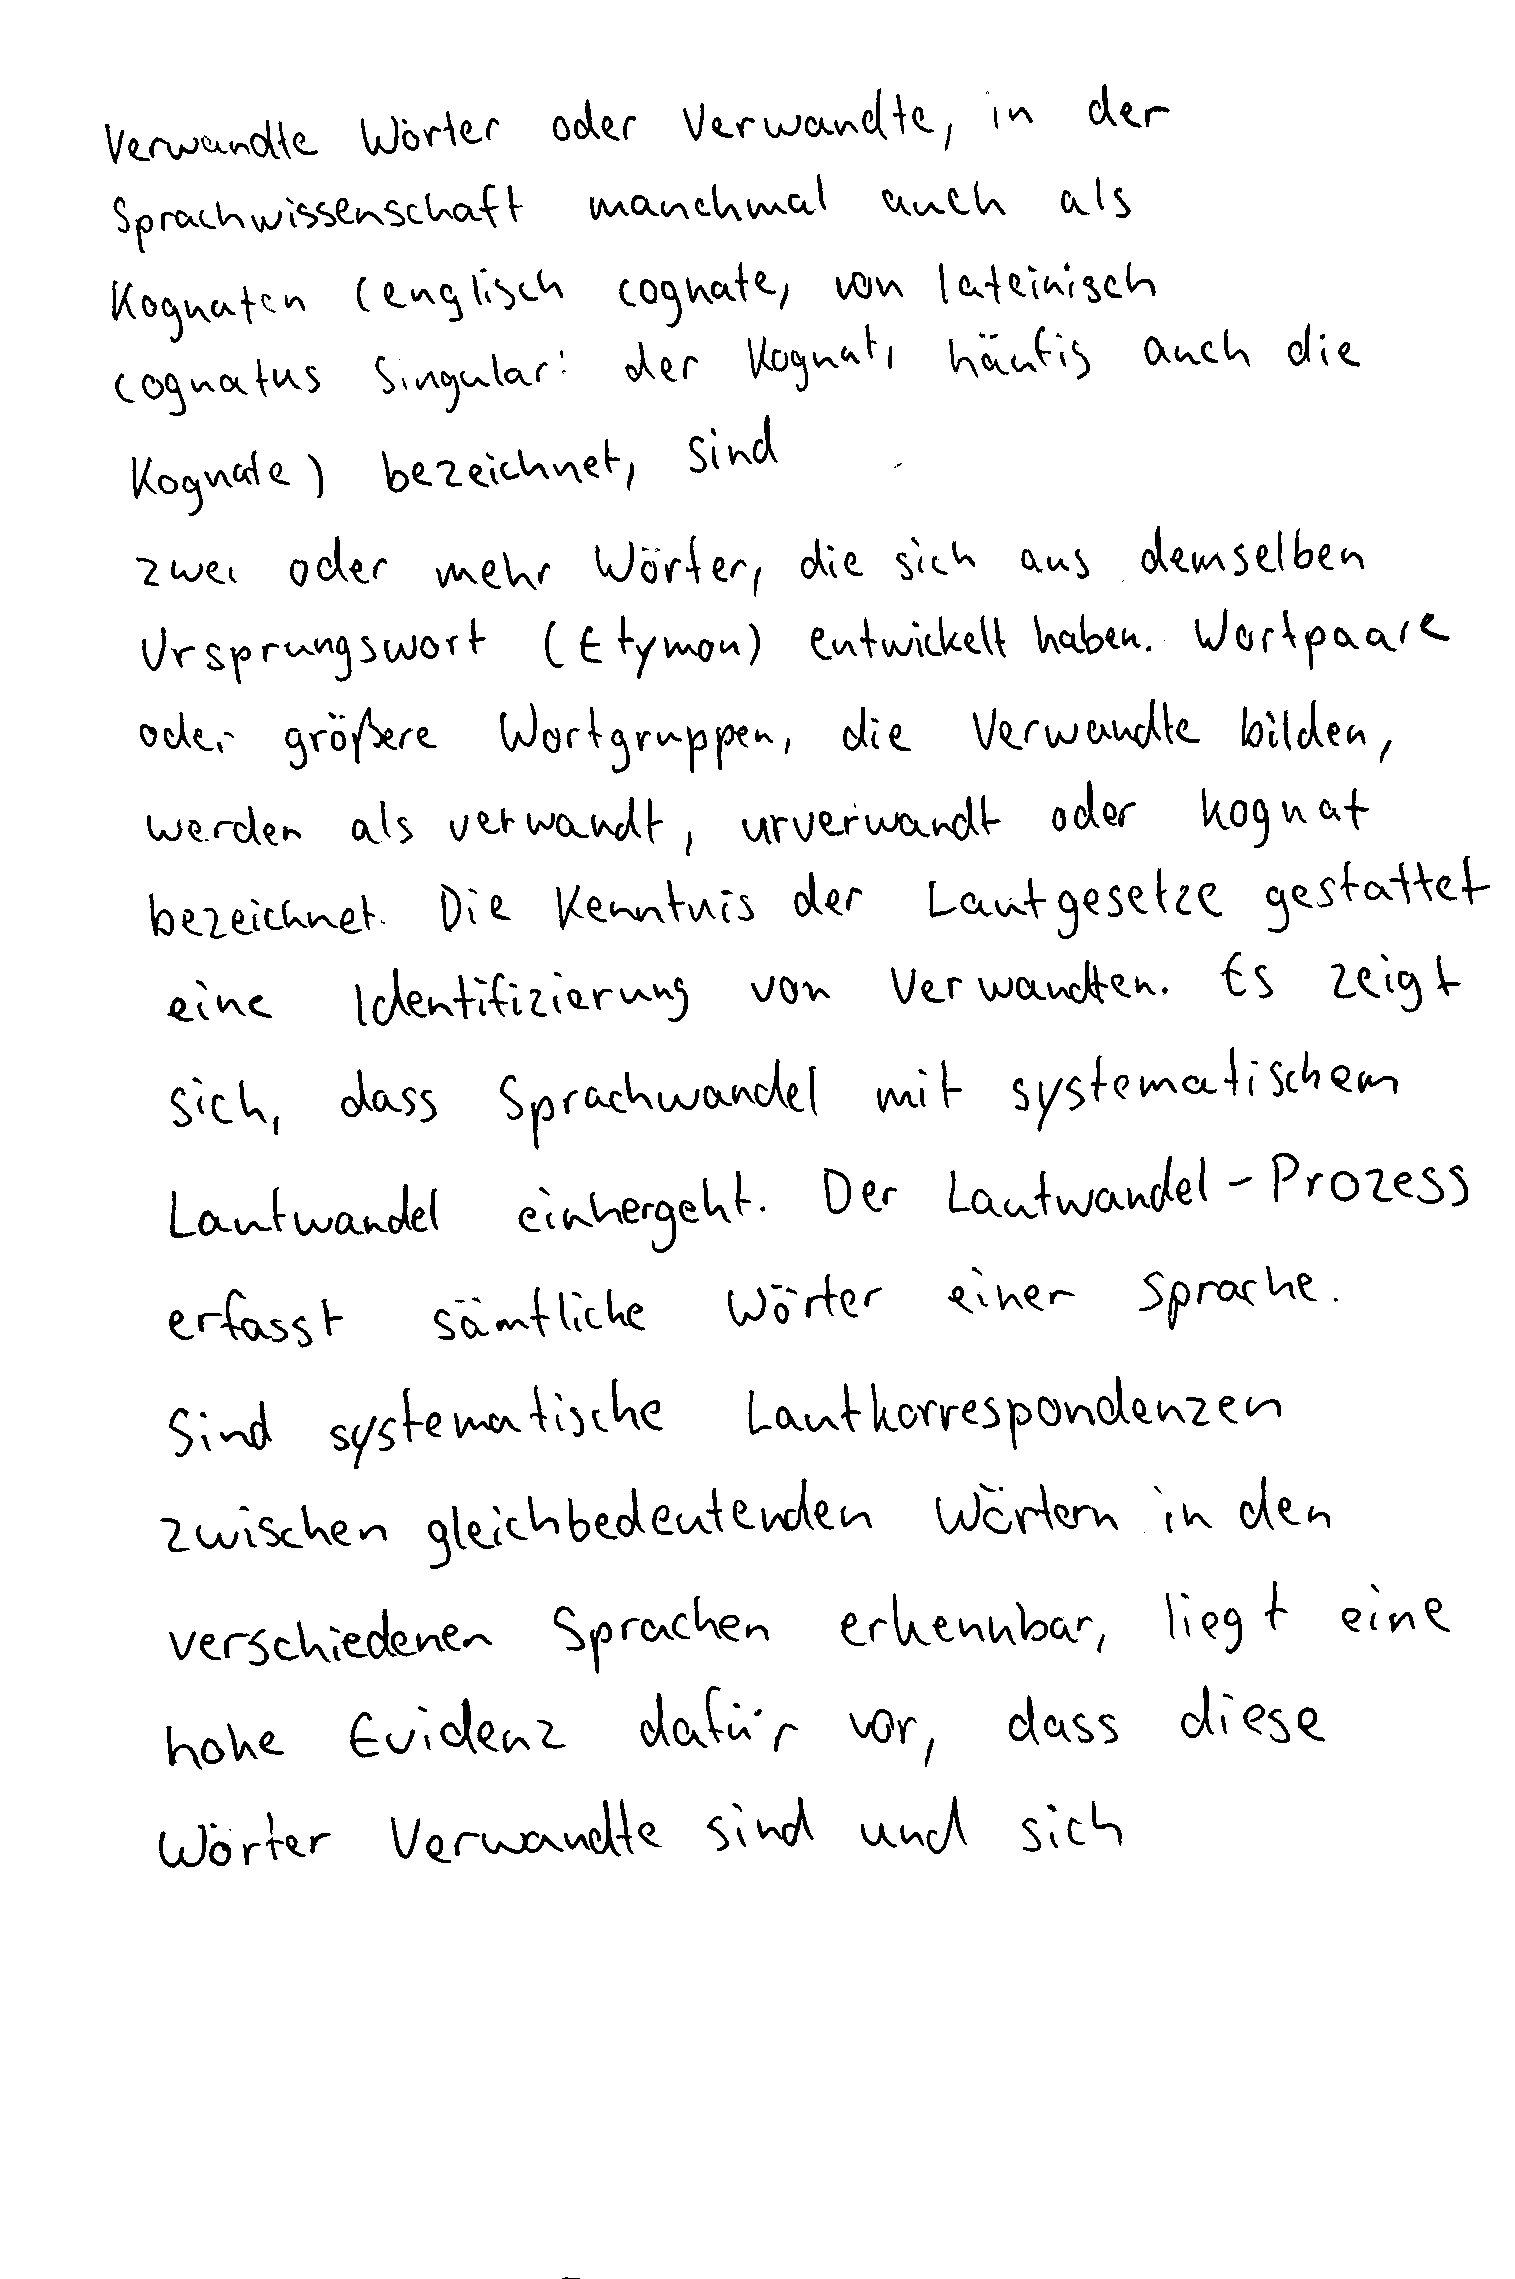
Verwandte Wörter oder Verwandte, in der
Sprachwissenschaft manchmal auch als
Kognaten (englisch cognate, von lateinisch
cognatus Singular: der Kognat, häufig auch die
Kognate) bezeichnet, sind
zwei oder mehr Wörter, die sich aus demselben
Ursprungswort (Etymon) entwickelt haben. Wortpaare
oder größere Wortgruppen, die Verwandte bilden,
werden als verwandt, urverwandt oder kognat
bezeichnet. Die Kenntnis der Lautgesetze gestattet
eine Identifizierung von Verwandten. Es zeigt
sich, dass Sprachwandel mit systematischem
Lautwandel einhergeht. Der Lautwandel-Prozess
erfasst sämtliche Wörter einer Sprache.
Sind systematische Lautkorrespondenzen
zwischen gleichbedeutenden Wörtern in den
verschiedenen Sprachen erkennbar, liegt eine
hohe Evidenz dafür vor, dass diese
Wörter Verwandte sind und sich
